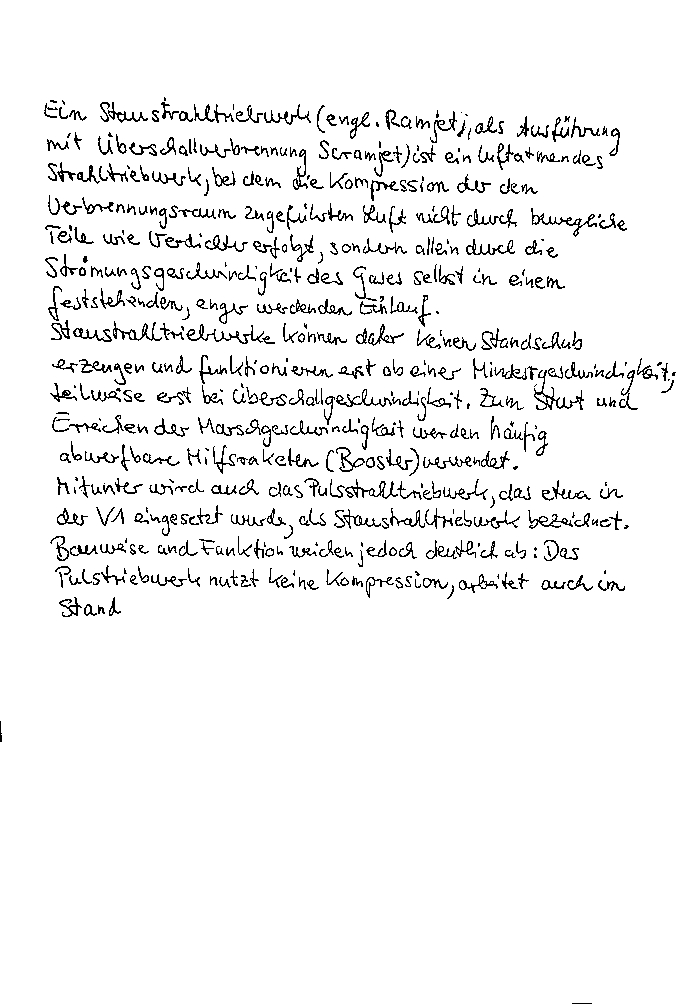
Ein Staustrahltriebwerk (engl. Ramjet, als Ausführung
mit Überschallverbrennung Scramjet) ist ein luftatmendes
Strahltriebwerk, bei dem die Kompression der dem
Verbrennungsraum zugeführten Luft nicht durch bewegliche
Teile wie Verdichter erfolgt, sondern allein durch die
Strömungsgeschwindigkeit des Gases selbst in einem
feststehenden, enger werdenden Einlauf.
Staustrahltriebwerke können daher keinen Standschub
erzeugen und funktionieren erst ab einer Mindestgeschwindigkeit;
teilweise erst bei Überschallgeschwindigkeit. Zum Start und
Erreichen der Marschgeschwindigkeit werden häufig
abwerfbare Hilfsraketen (Booster) verwendet.
Mitunter wird auch das Pulsstrahltriebwerk, das etwa in
der V1 eingesetzt wurde, als Staustrahltriebwerk bezeichnet.
Bauweise und Funktion weichen jedoch deutlich ab: Das
Pulstriebwerk nutzt keine Kompression, arbeitet auch im
Stand
